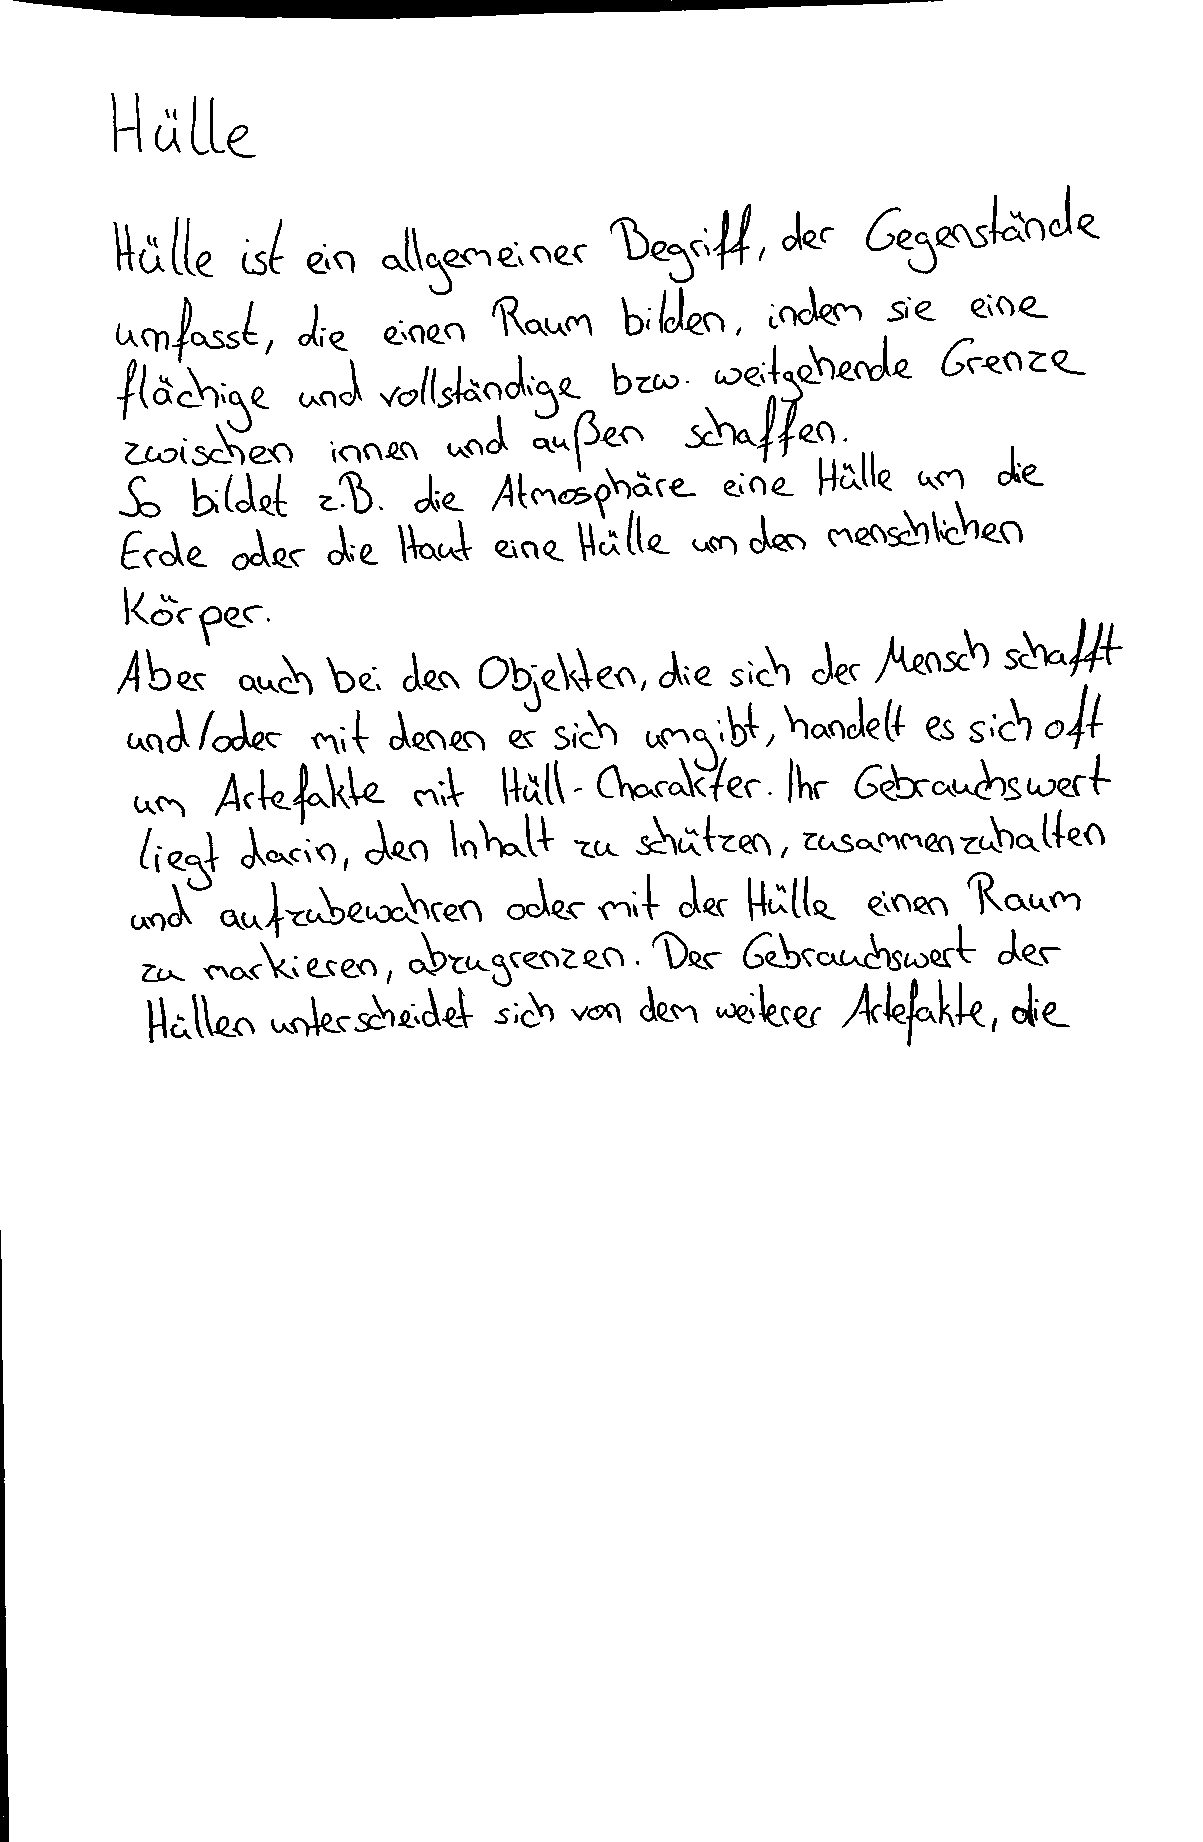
Hülle
Hülle ist ein allgemeiner Begriff. der Gegenstände
umfasst, die einen Raum bilden. indem Sie eine
flächige und vollständige bzw. weitgehende Grenze
zwischen innen und außen schaffen.
So bildet z.B. die Atmosphäre eine Hülle um die
Erde oder die Haut eine Hülle um den menschlichen
Körper.
Aber auch bei den Objekten, die sich der Mensch Schafft
und oder mit denen er sich umgibt. handelt es sich oft
um Artefakte mit Hüll-Charakter. Ihr Gebrauchswert
liegt darin, den Inhalt zu schützen. zusammenzuhalten
und aufzubewahren oder mit der Hülle einen Raum
zu markieren, abzugrenzen. Der Gebrauchswert der
Hüllen unterscheidet sich von dem weiterer Artefakte, die
